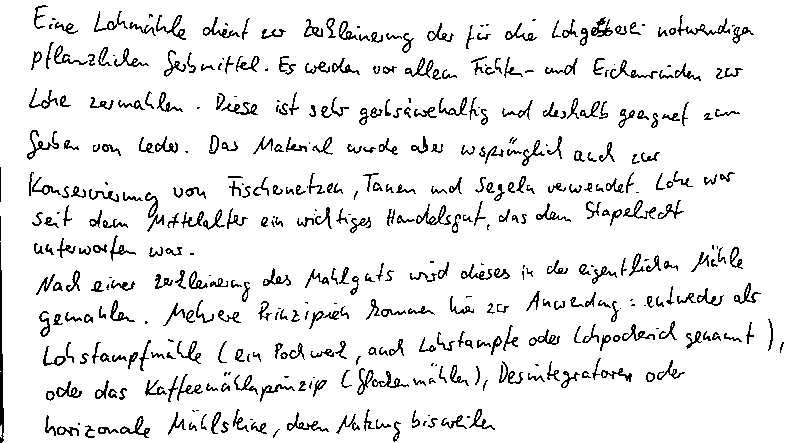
Eine Lohmühle dient zur Zerkleinerung der für die Lohgerberei notwendigen
pflanzlichen Gerbmittel. Es werden vor allem Fichten- und Eichenrinden aus
Lohe zermahlen. Diese ist sehr gerbsäurehaltig und deshalb geeignet zum
Gerben von Leder. Das Material wurde aber ursprünglich auch zur
Konservierung von Fischernetzen, Tauen und Segeln verwendet. Lohe war
seit dem Mittelalter ein wichtiges Handelsgut, das dem Stapelrecht
unterworfen war.
Nach einer Zerkleinerung des Mahlguts wird dieses in der eigentlichen Mühle
gemahlen. Mehrere Prinzipien kommen hier zur Anwendung: entweder als
Lohstampfmühle (ein Pochwerk, auch Lohstampfe oder Lohpocherich genannt),
oder das Kaffeemühlenprinzip (Glockenmühlen), Desintegratoren oder
horizontale Mühlsteine, deren Nutzung bisweilen
